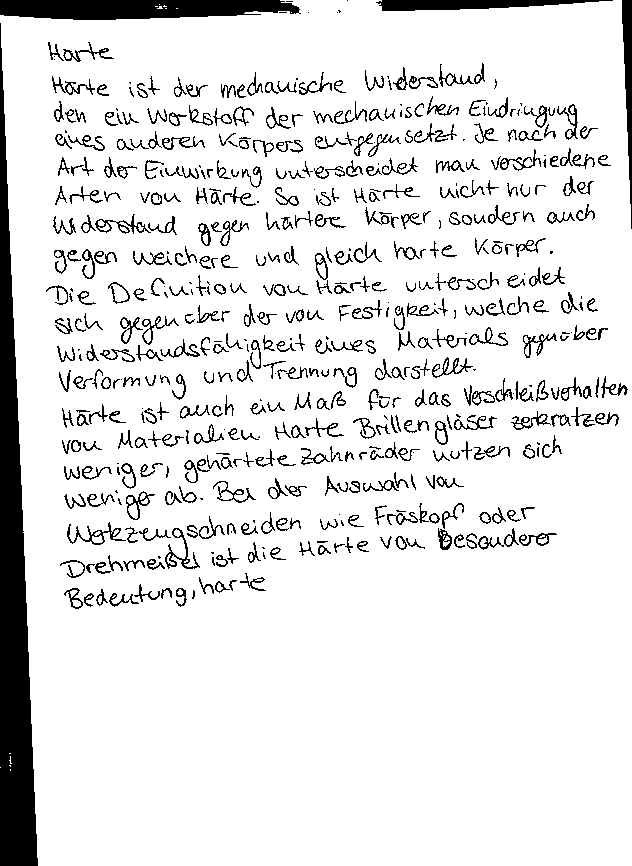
Härte
Härte ist der mechanische Widerstand,
den ein Werkstoff der mechanischen Eindringung
eines anderen Körpers entgegensetzt. Je nach der
Art der Einwirkung unterscheidet man verschiedene
Arten von Härte. So ist Härte nicht nur der
Widerstand gegen härtere Körper, sondern auch
gegen weichere und gleich harte Körper.
Die Definition von Härte unterscheidet
sich gegenüber der von Festigkeit, welche die
Widerstandsfähigkeit eines Materials gegenüber
Verformung und Trennung darstellt.
Härte ist auch ein Maß für das Verschleißverhalten
von Materialien. Harte Brillengläser zerkratzen
weniger, gehärtete Zahnräder nutzen sich
weniger ab. Bei der Auswahl von
Werkzeugschneiden wie Fräskopf oder
Drehmeißel ist die Härte von besonderer
Bedeutung, harte
